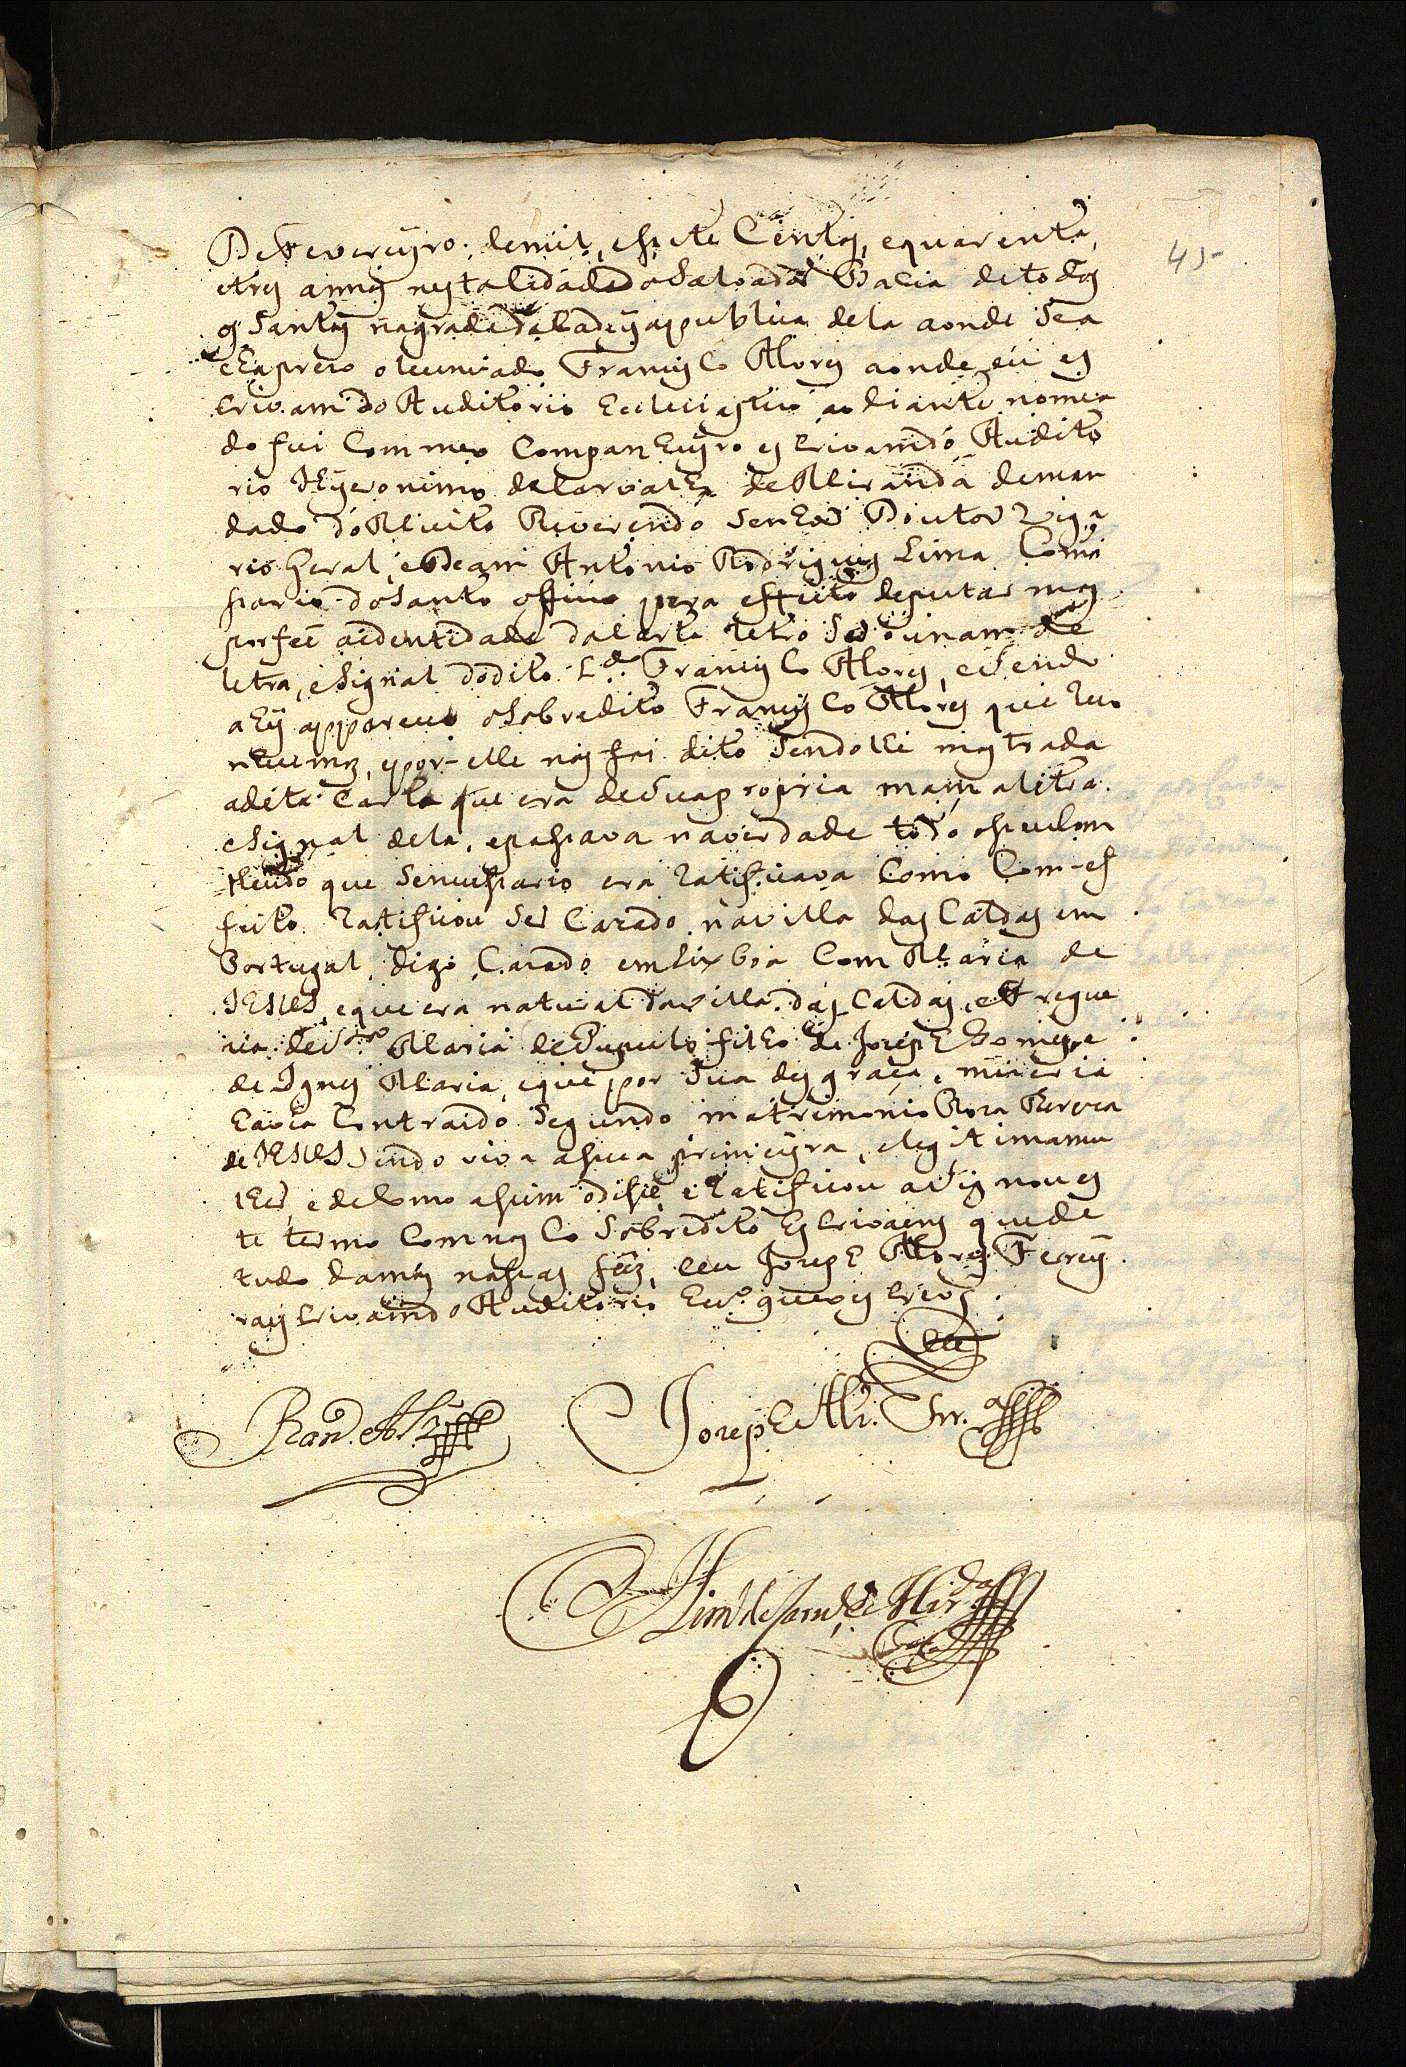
De Fevereyro; de mil, e sseteCentos, e quarenta
e tres annos nesta Cidade o Salvador Bahia di todos
os Santos na grade da Cadeya publica dela aonde se a
cha prezo o lecenciado FrancisCo Alvres aonde eu es
crivam do Auditorio Ecclesiastico ao diante nomea
do fui Com meo Companheyro escrivam do Audito
rio Hyeronimo de Carvalho de Miranda deman
dado do Muito Reverendo Senhor Doutor Viga
rio Geral, e Deam Antonio Rodrigues Lima Comi
ssario do Santo officio pera effeito de putas mas
por feé a identidade da carta Retro sēdo a mam de
letra, e Signal do dito L.do FrancisCo Alvres, e sendo
ahy appareceo o sobredito FrancisCo Alvres que Reco
nhecemoz, e por elle nos foi dito sendo lhe mostrado
a dita carta que era de sua propria mam a letra:
e signal dela, e passava na verdade todo o seu Com
theudo que Se necessario era Ratificava Como Com-ef
feito Ratificou ser Cazado na villa das Caldas em
Portugal digo, Cazado em Lixboa Com Maria de
IEsus e que era natural da villa das Caldas, e Fregue
sia de S.ta Maria de Pupulo filho de Jozeph Gomes e
de Ignes Maria, e que por sua desgraça, e mizeria
havia Contraido Segundo matrimonio Roza Thereza
de Iesus sendo viva a sua primeyra, e legitima mu
lher, e de Como assim o disse, e Ratificou asignou es
te termo ComnosCo Sobredito EsCrivaens que de
tudo damos nossas féez, e eu Jozeph Alvres Ferrey
ra isCrivam do Auditorio Ecc.o que o isCrevj
Jozeph Alz̄ Frr.a
Fran.co Alz̄
HIm̄ de Caru,o e Mir.da
